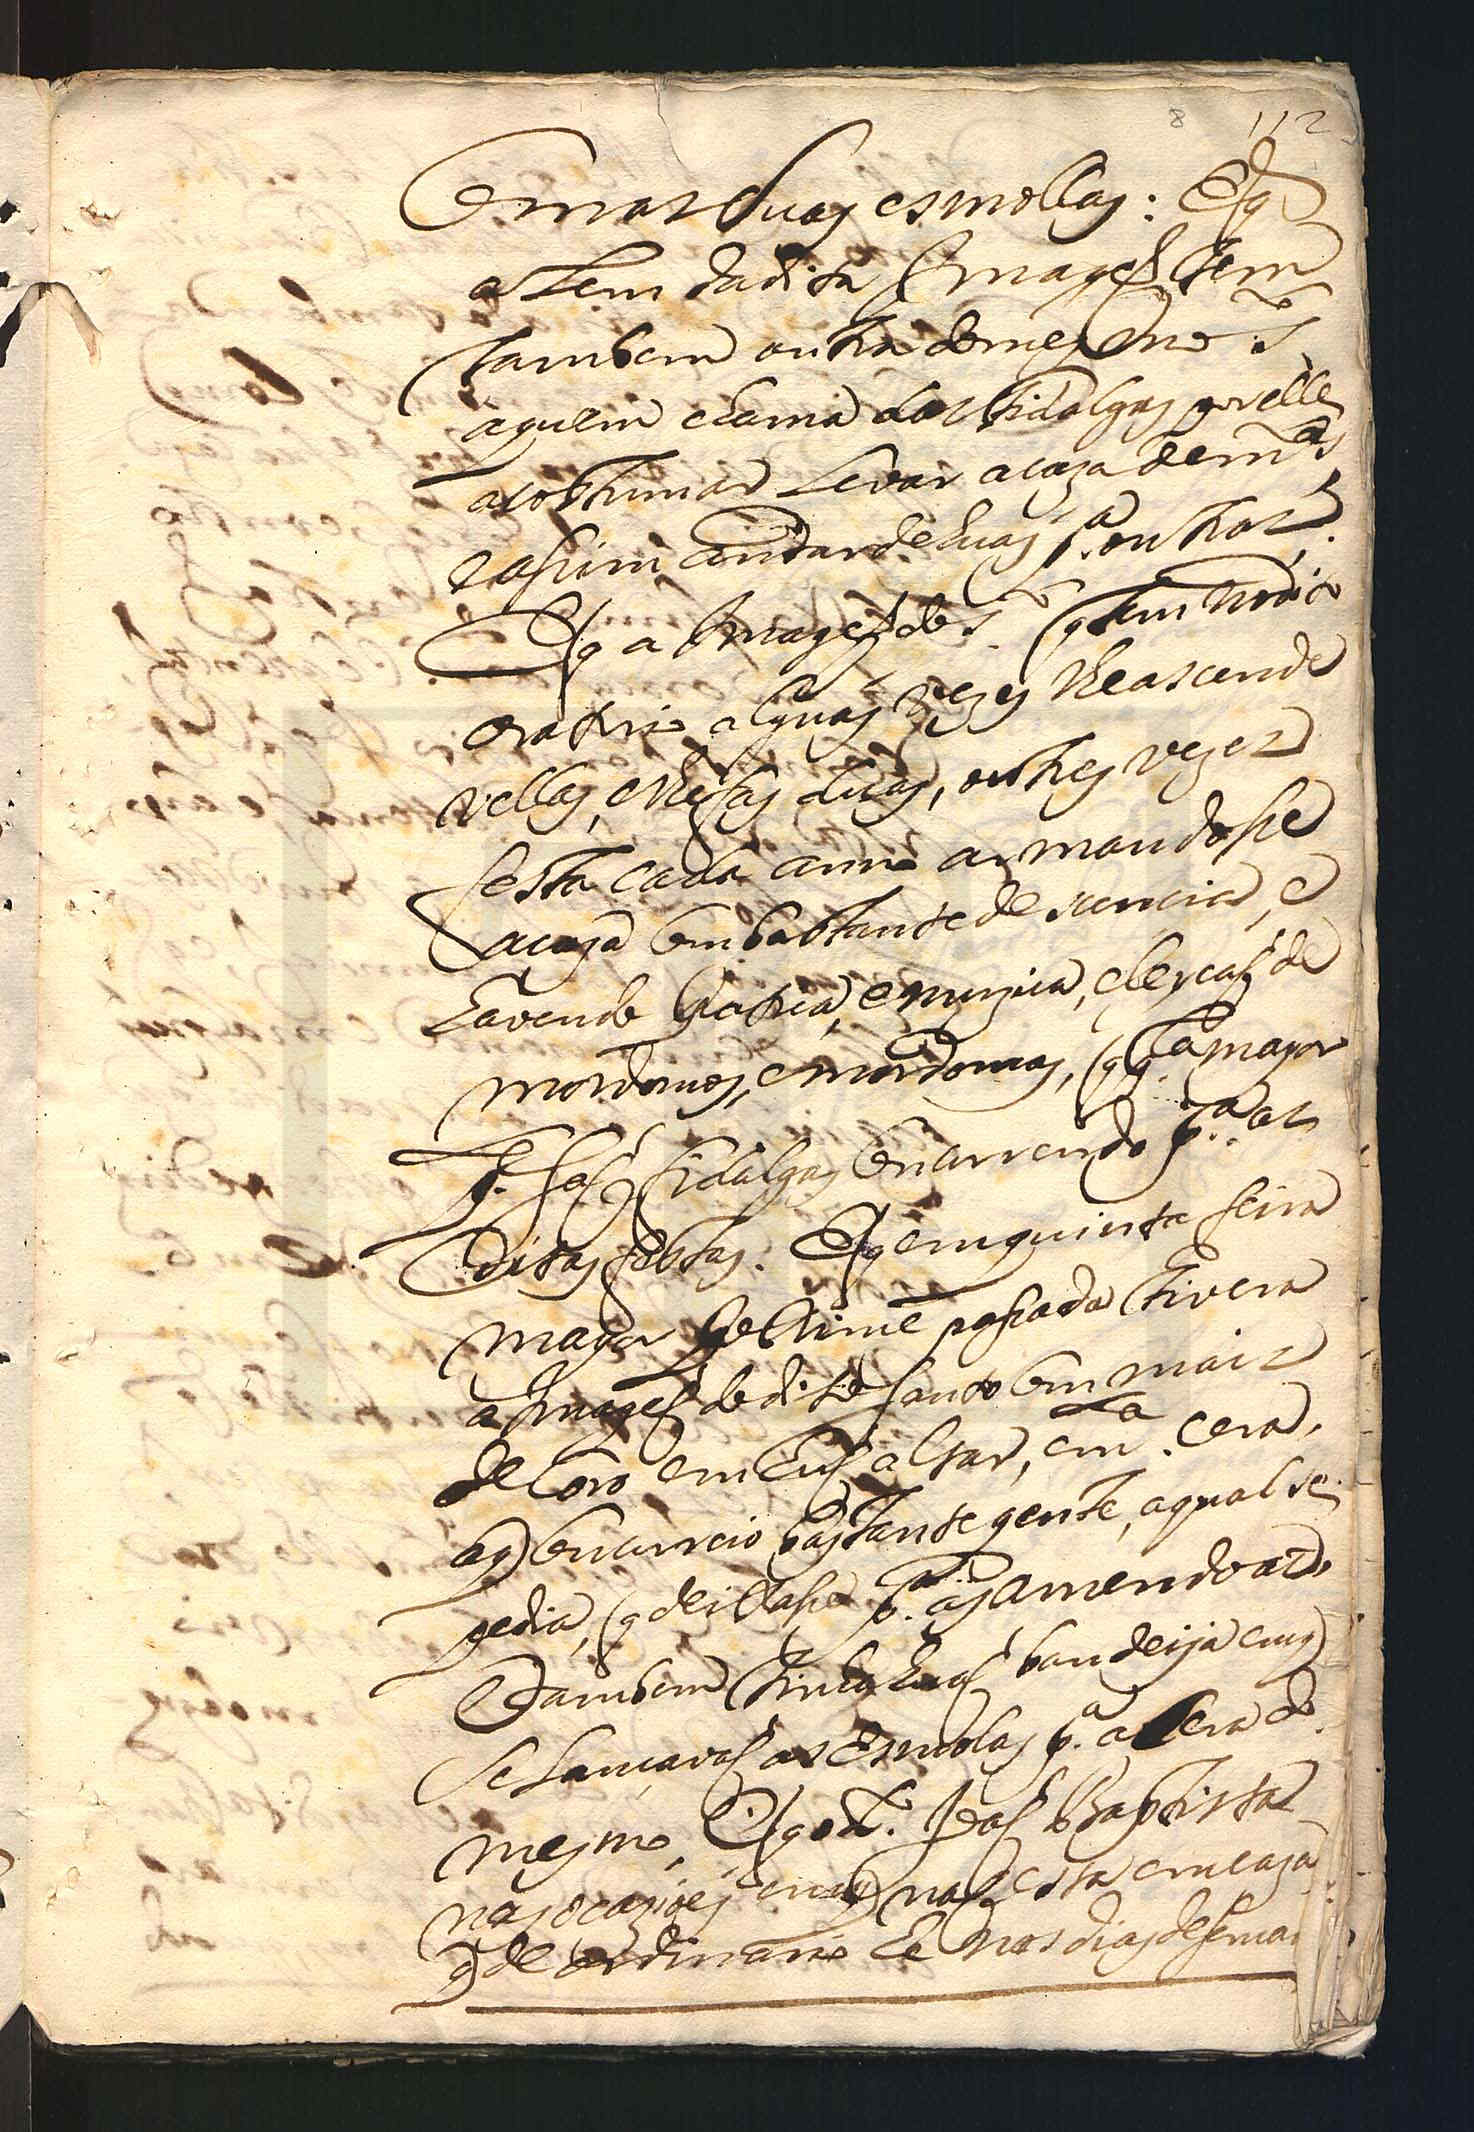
Com as Suas esmollas: E q̄
alem da dita Jmagē tem
tambem outra do mesmo Sto
a quem chama das Fidalgas por elle
acostumar Levar a caza de mtas
e assim contar de huas p.a outras
E q̄ a Jmagē do S.to q̄ tem no dito
oratorio alguās vezes lhe ascende
vellas, e lhe fas duas, ou tres vezes
festa cada anno armandosse
a caza com bastante descençia, e
havendo pratica, e muzica, eleycaõ de
mordomos, e mordomas, q̄ p.la mayor
p.te Saõ fidalgas Concorrendo p.a as
ditas festas. E q̄ em quinta feira
mayor proxime passada tivera
a Jmagē do dito Santo com maiz
de Coro em hū altar, e m.ta cera
o q̄ Concorreio bastante gente, a qual se
pedia, q̄ deixasse p.a as amendoaz,
e tambem tinha huā bandeija com q̄
Se Lançavaõ as Esmolas p.a a Cera do
mesmo, E q̄ o d.o Joaõ Baptista
nas ocazioēs em q̄ naõ esta em caza
q̄ de ordinario he nos dias de sema
